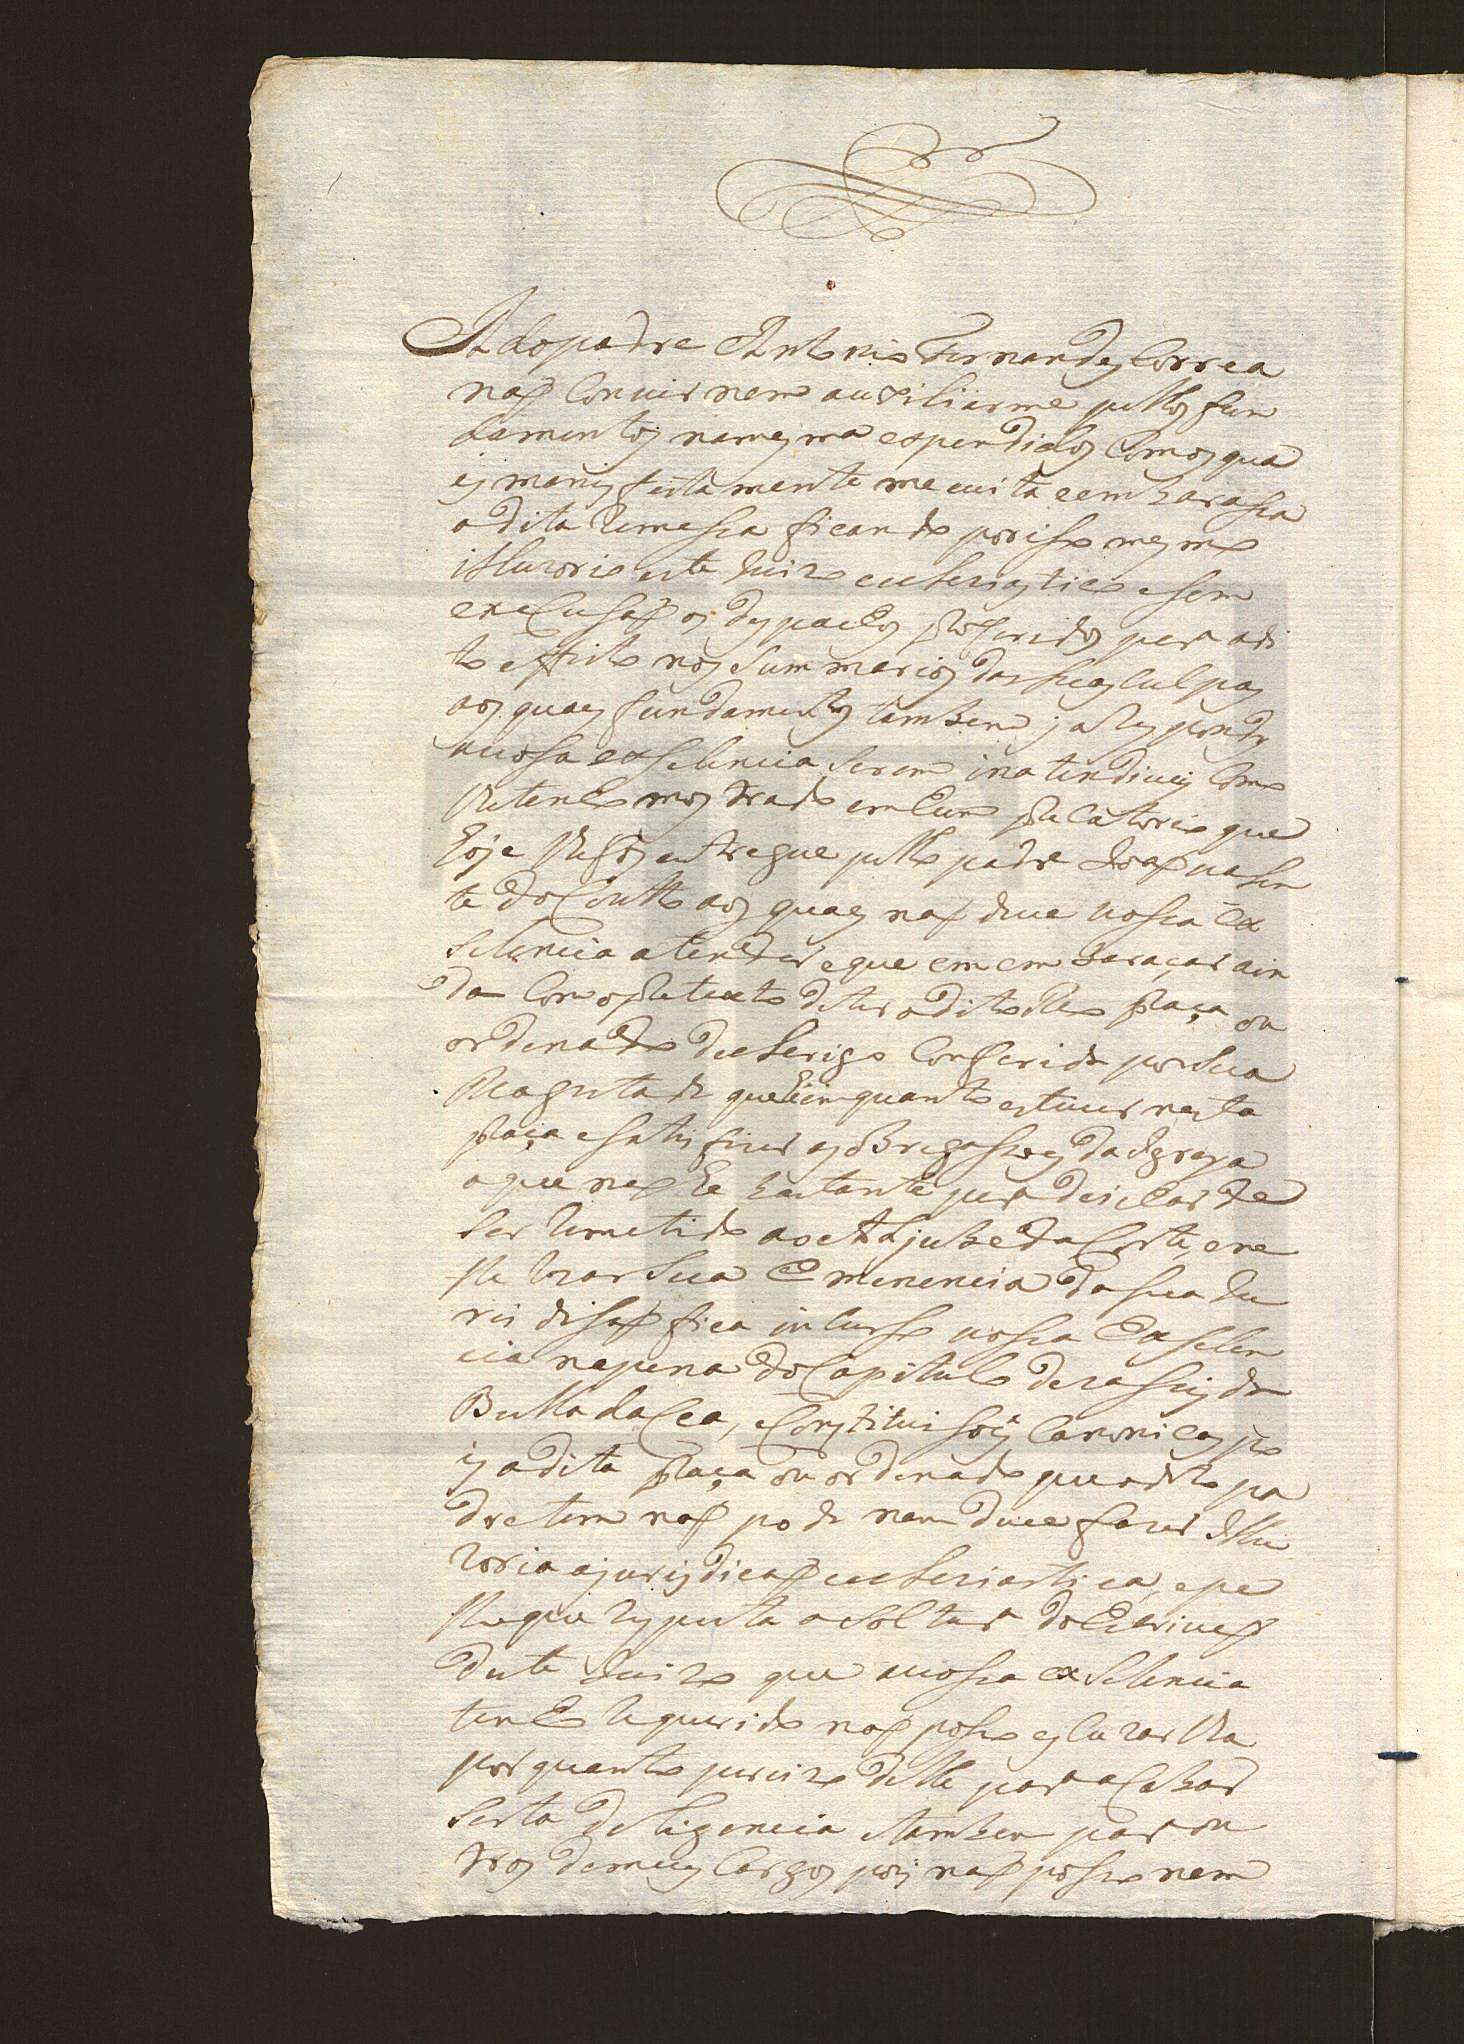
Rdo padre Antonio Fernandes Correa
naõ conuir nem auxiliarme pellos fun
damentos na mesma espendidos com os qua
is manisfestamente me custa e embarassa
a dita Remessa ficando por isso mesmo
illuzorio este Iuizo eccleziastico e sem
exeCusaõ os despachos proferidos pera o di
to effeito nos summarios das suas culpas
aos quaes fundamentos tambem ja Respondy
a uosa exselencia serem inatendiueis Como
lhe tenho mostrado em hum pRecatorio que
hoje lhe foj entregue pello padre Ioaõ ualem
te do Coulto aos quaes naõ deue uossa ex
selencia atender, e que em embaraçar ain
da Com o pRetexto de ter o dito Reo pRaça ou
ordenado de clerigo Conferido por Sua
Magestade que he emquanto estiuer nesta
pRaça e satisfizer as obregassoes da Igreya
o que naõ he bastante pera deichar de
ser Remetido ao ALjube da Corte, e ne
lle vzar Sua emenencia da sua Iu
risdisaõ fica inCurso uossa Exselen
cia na pena do Capitulo dezaseis da
Bulla da Cea, e Constituisoẽs Canonicas po
is a dita pRaça ou ordenado que o dito pa
dre tem naõ pode nem deue fazer Illu
zoria a jurisdiçaõ eccleziastica, e pe
llo que Respeita a Soltura do Escriueõ
deste Iuizo que a uossa exselencia
tenho Requerido naõ posso esCuzarlha
porquanto percizo delle por aCabar
serta deligencia e tambem por ou
tros demais Cargos pois naõ posso nem
